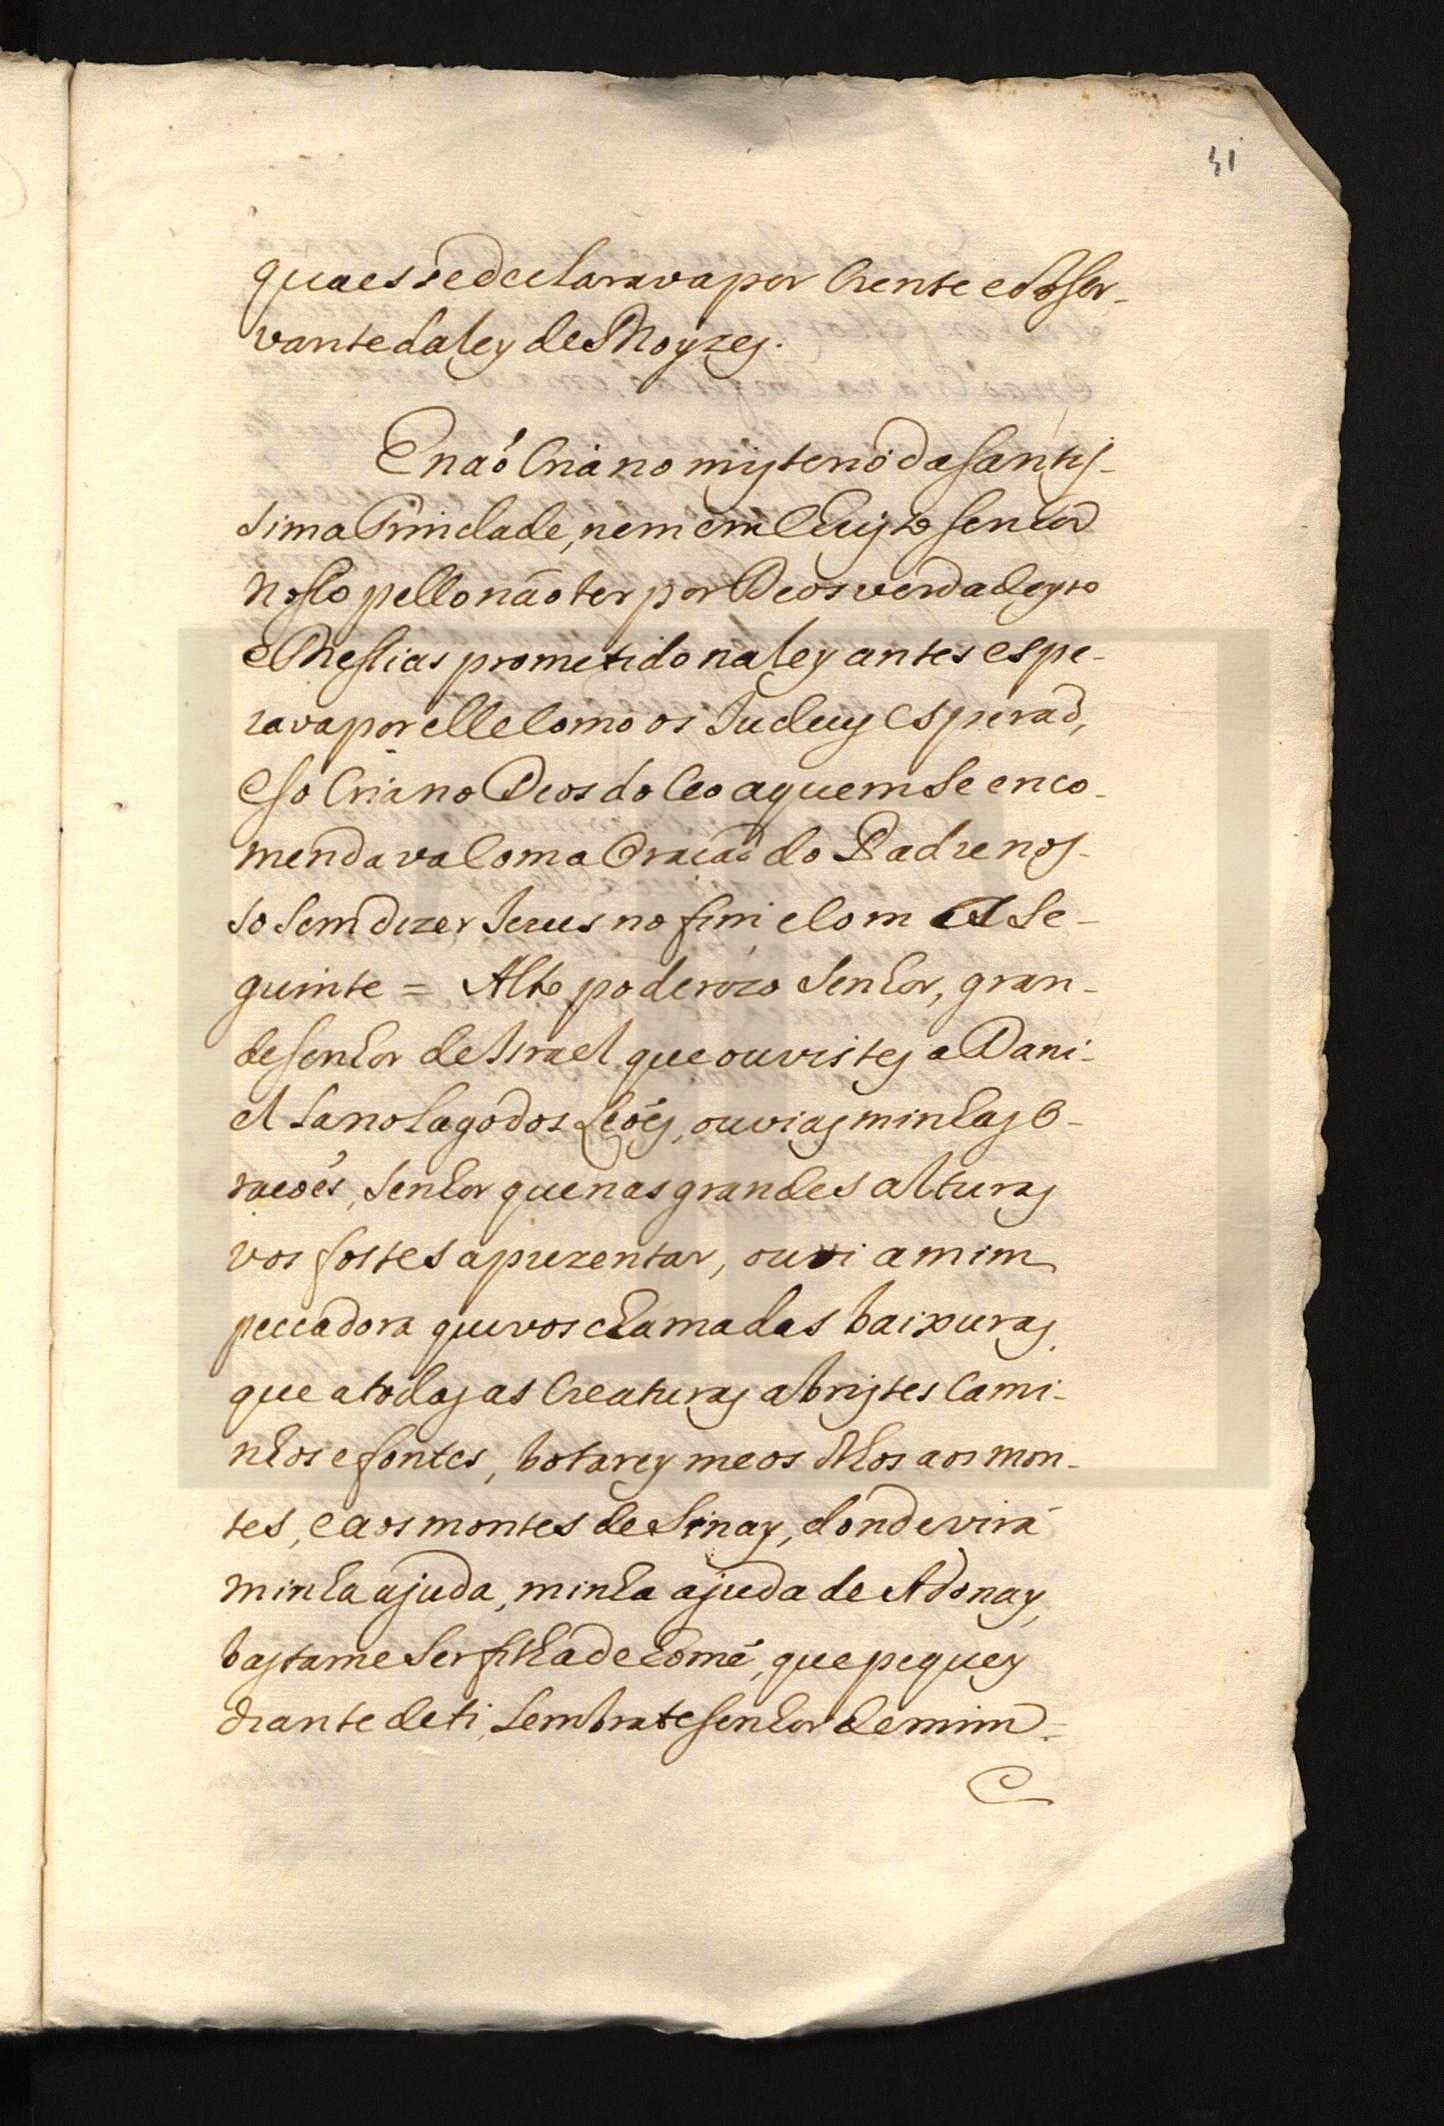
quaes se declarava por crente e obser
vante da ley de Moyzes.
E naõ Cria no misterio da santis
sima Trindade, nem em Christo senhor
nosso pello não ter por Deos verdadeyro
e Messias prometido na ley antes espe
rava por elle como os Iudeus esperaõ
E so Cria no Deos do Ceo a quem se enco
mendava Com a Oraçaõ do Padre nos
so sem dizer Iesus no fim, e com A se
guinte = Alto poderozo senhor, gran
de senhor de Israel que ouvistes a Dani
el la no lago dos Leoẽs, ouvi as minhas o
raçoẽs, senhor que nas grandes alturas
vos fostes aprezentar, ouvi a mim
peccadora que vos chama das baixuras,
que a todas as creaturas abristes cami
nhos e fontes, botarey meos olhos aos mon
tes, e aos montes de Sinay, donde virá
minha ajuda, minha ajuda de Adonay,
bastame ser filha de homē, que pequey
diante de ti, Lembrate senhor de mim.
